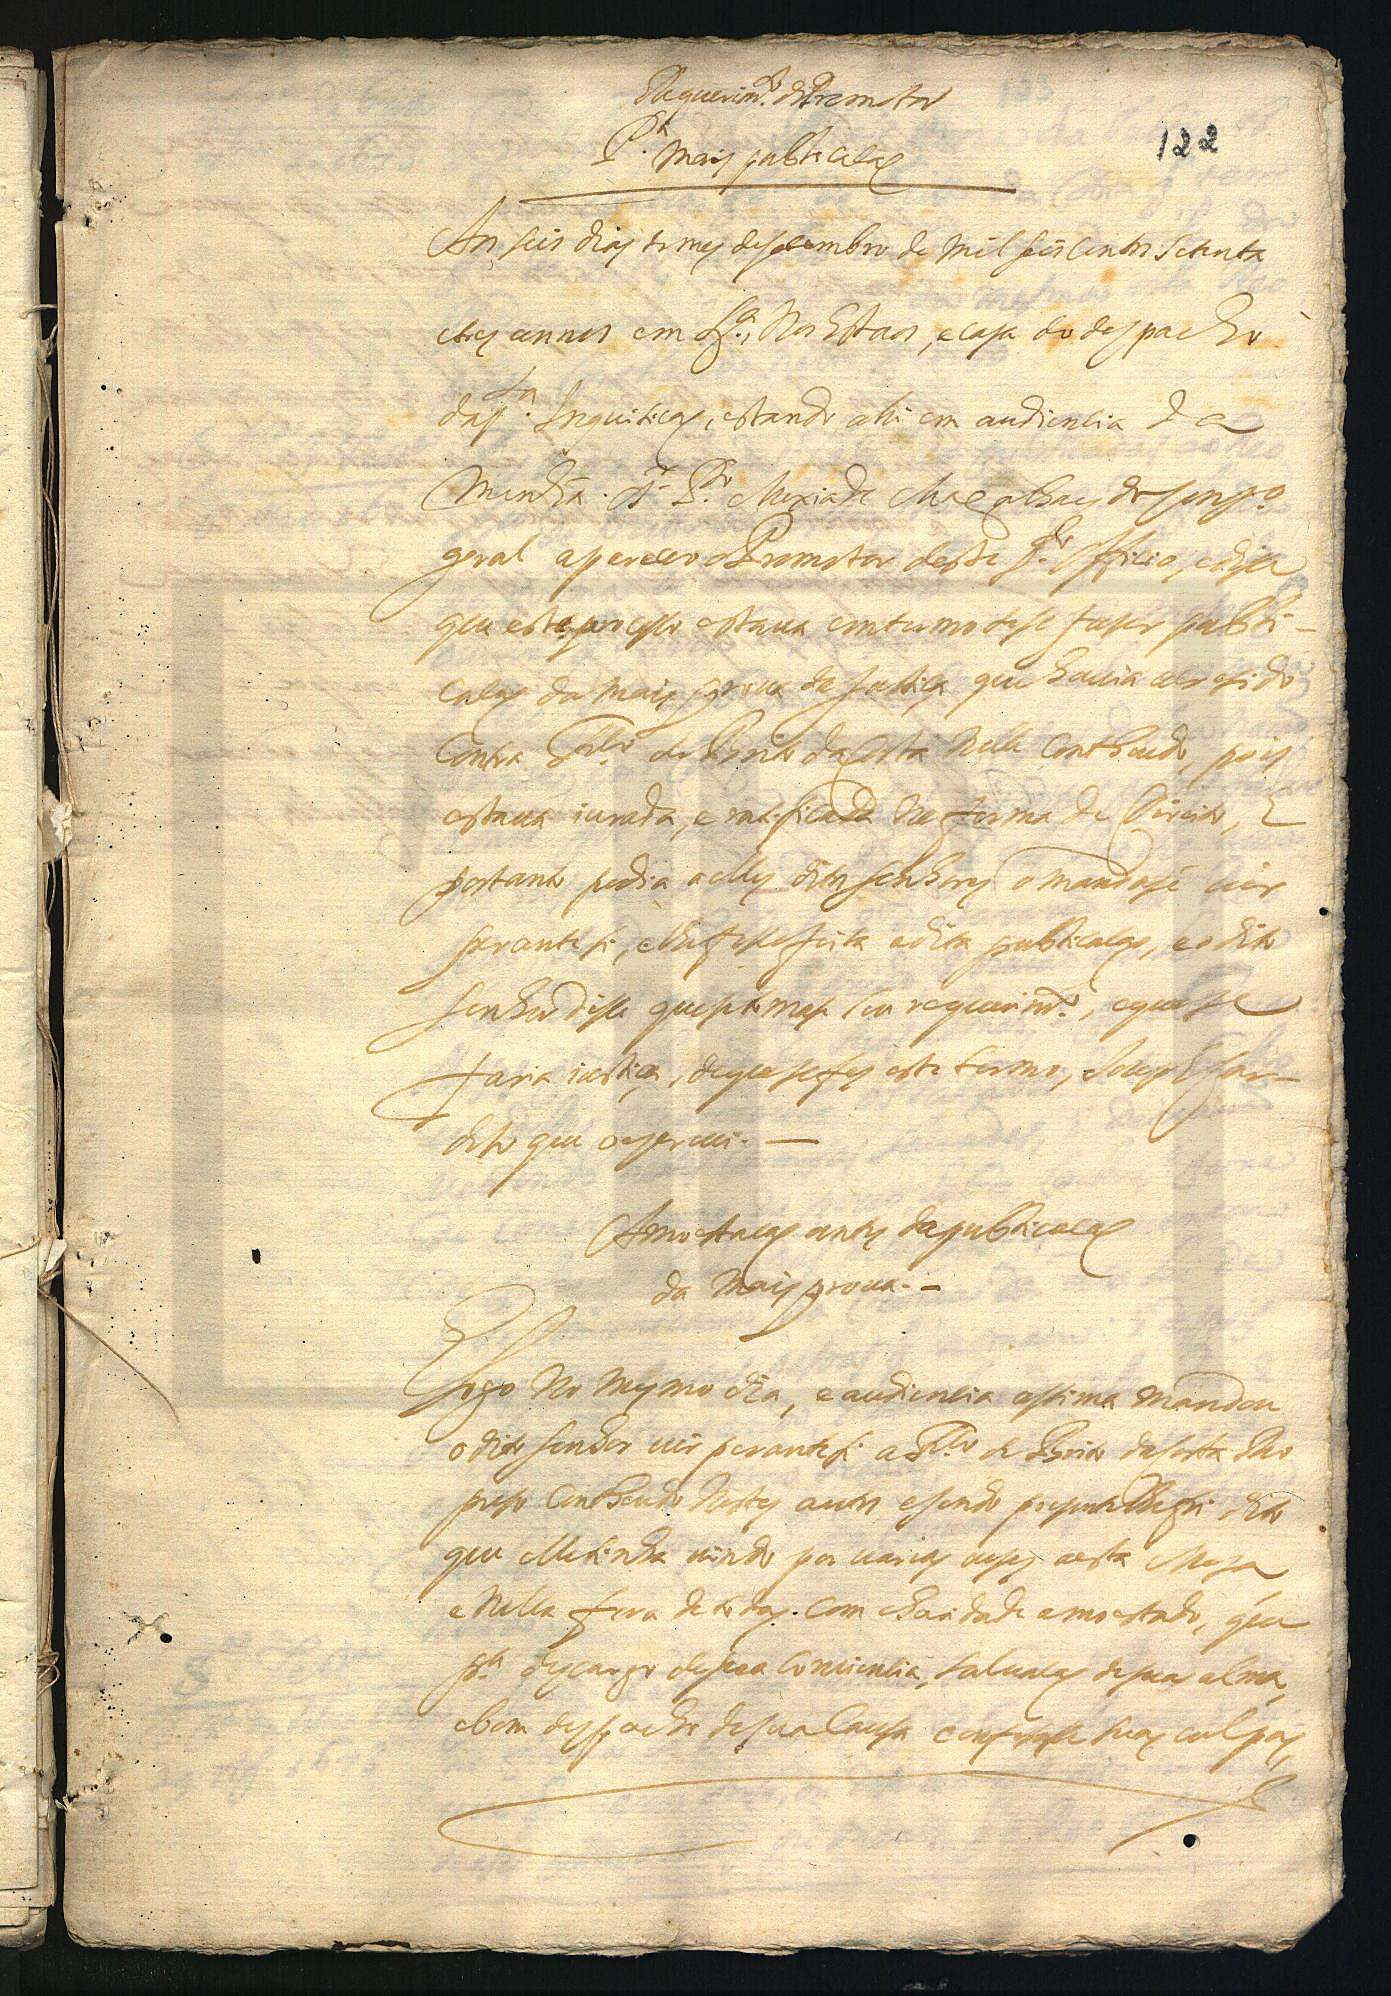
Requerim.to do Promotor
P.a mais publicaçaõ
Aos seis dias do mes de setembro de mil seiscentos setenta
e tres annos em Lx.a nos Estaos, e casa do despacho
da s.ta Inquisiçaõ, estando ahi em audiencia da
menhā o s.r P.o Mexia de Magalhaes do Cons.o
geral apareceo o Promotor deste s.to Officio, e disse
que este presso estaua em termo de se fazer publi
caçaõ da mais proua da Justiça que hauia acresido
Contra Fr.co de Brito da Costa nella contheudo, pois
estaua iurada, e ratificada na forma de Direito, E
portanto pedia a elles ditos senhores o mandasē uir
perante si, e lhe fosse feita a dita publicaçaõ, e o dito
senhor disse que se tomase seu requerim.to, e que se
fara iustiça, de que se fes este termo, Jozeph Car
doso que o escreui.
Amoestaçaõ antes da publicaçaõ
da mais proua. -
E logo no mesmo dia, e audiencia assima mandou
o dito senhor uir perante si a Fr.co de Brito da Costa Reo
preso contheudo nestes autos, e sendo presente lhe foi dito
que elle tinha uindo por uarias ueses a esta Mesa,
e nella fora de todas com charidade amoestado, que
p.a descargo de sua conciencia, saluaçaõ de sua alma,
e bom despacho de sua Causa confesase suas culpas,
